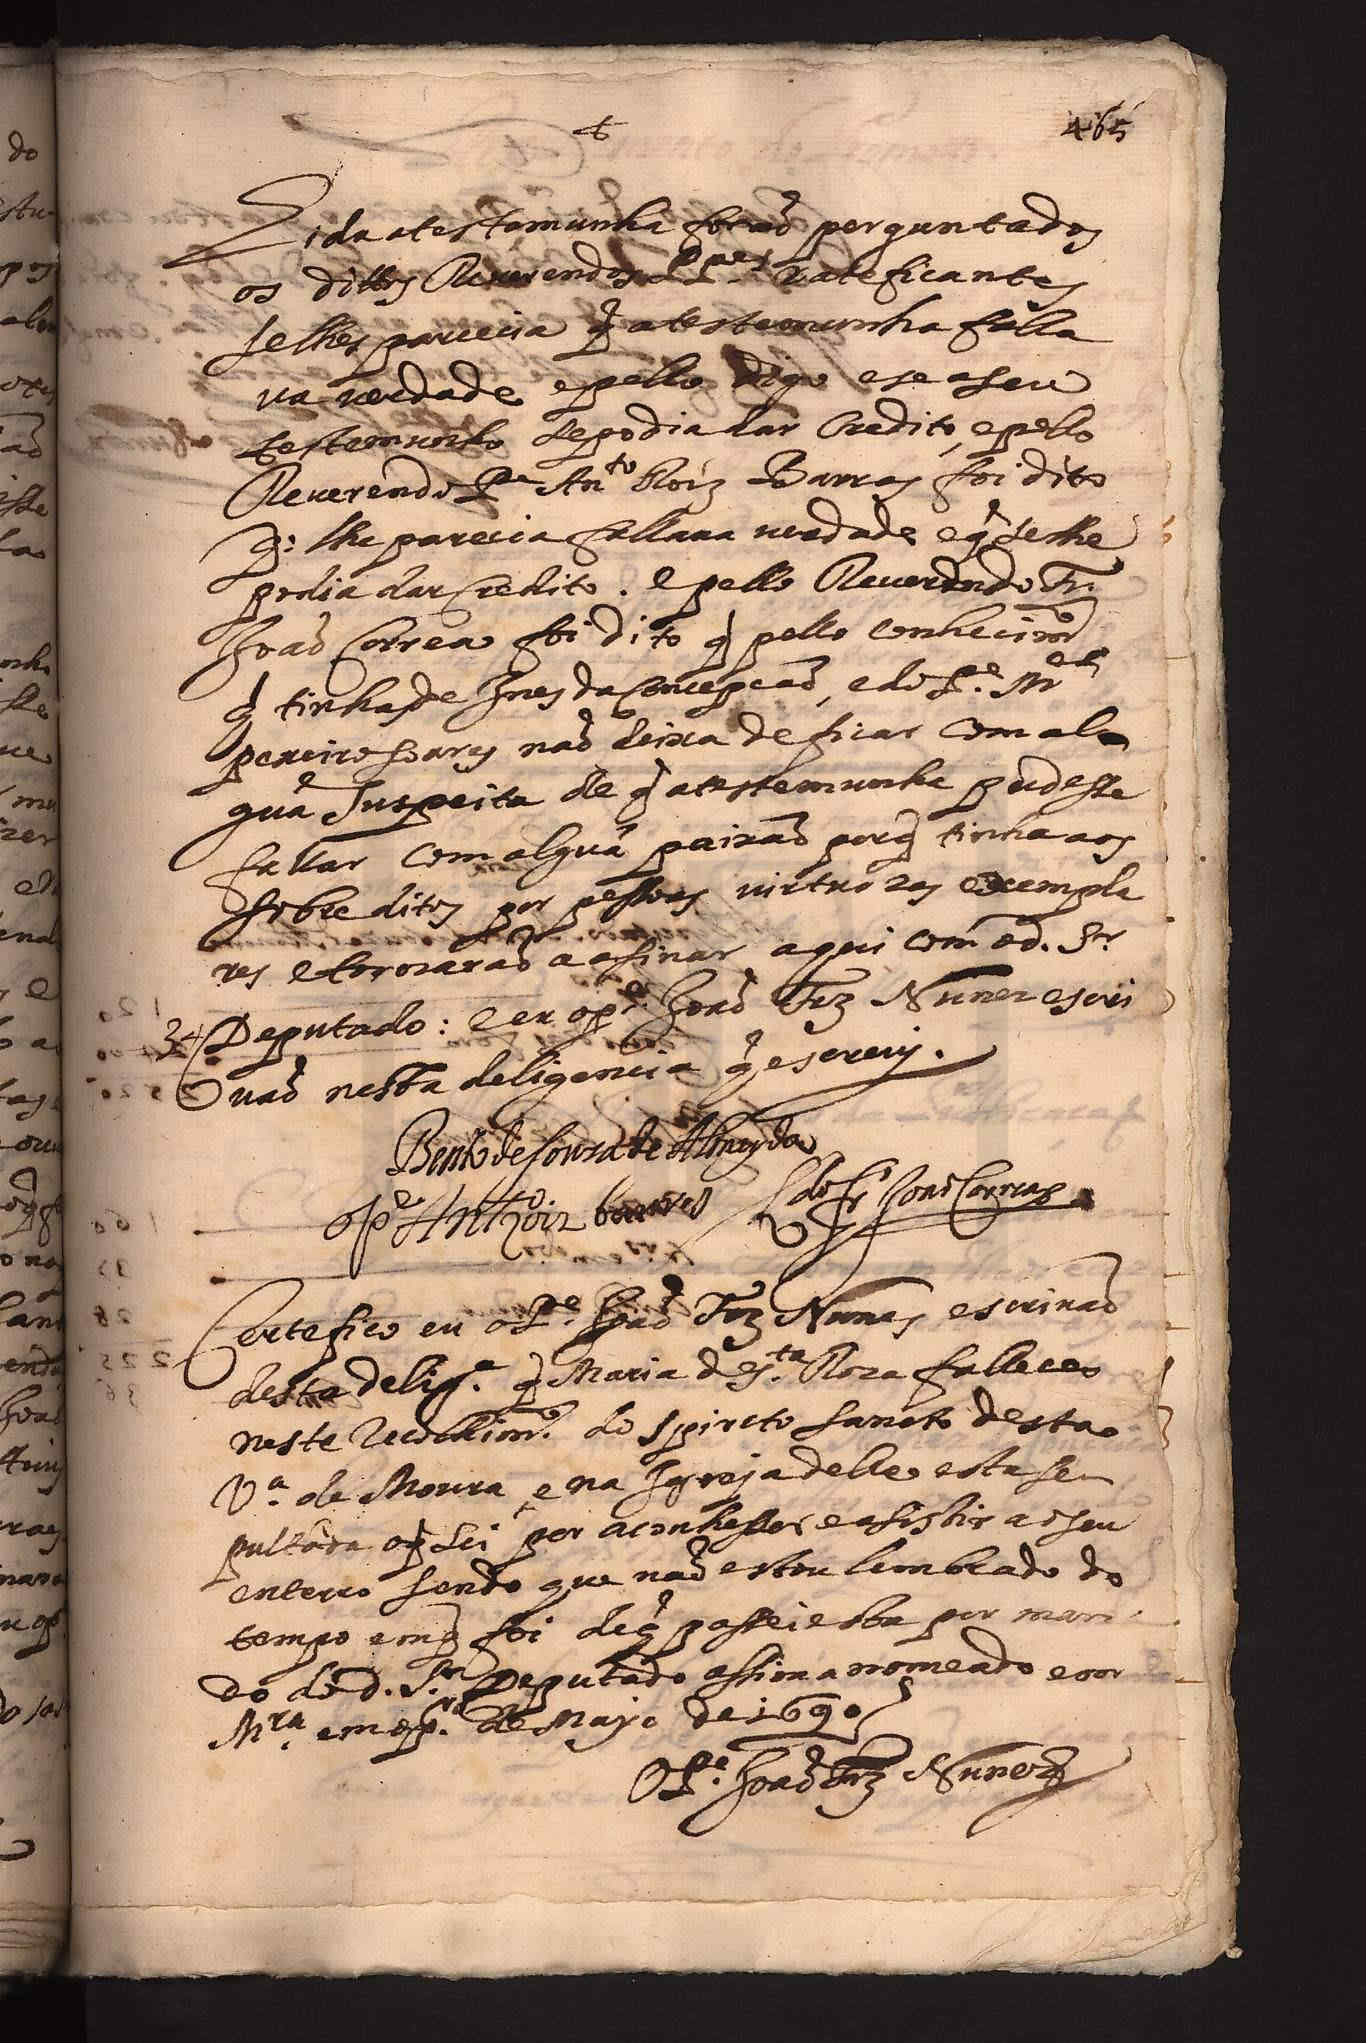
465
E ida a testemunha foraõ perguntados
os dittos Reuerendos PP.es rateficantes
se lhes parecia q̄ a testemunha falla
ua uerdade e pello digo e se a seu
testemunho se podia dar Credito, e pello
Reuerendo Pe Anto Roiz̄ Barros foi dito
q̄ lhe parecia fallaua uerdade e q̄ se lhe
podia dar Credito. e pello Reuerendo Fr.
Joaõ Correa foi dito q̄ pello conhecimto
q̄ tinha de Jnes da Concepçaõ, e do P.e Mel
pexeiro soares naõ deixa de ficar com al
guā suspeita, de q̄ a testemunha pudesse
fallar com alguā paixaõ porq̄ tinha aos
sobreditos por pessoas uirtuozas exempla
res e tornaraõ a asinar aqui com o d. S.r
Deputado: e eu o p.e Joaõ Fez Nunez escri
uaõ nesta deligencia q̄ escreuj.
Bento de Souza de Almeyda
o pe Anto Roiz barros Ldo fr. Joaõ Correa
Certefico eu o P.e Joaõ Frz Nunes escriuaõ
desta delig.a q̄ Maria de s.ta Roza falleceo
neste Recolhim.to do spirito sancto desta
V.a de Moura, e na Jgreja delle esta se
pultada o q̄ sei por a conhesser e asistir ao seu
enterro sendo que naõ estou lembrado do
tempo em q̄ foi de q̄ passei esta por man
do do d. S.r Deputado assima nomeado em
M.ra em o p.ro de Mayo de i690
O P.e Joaõ Frz Nunez
